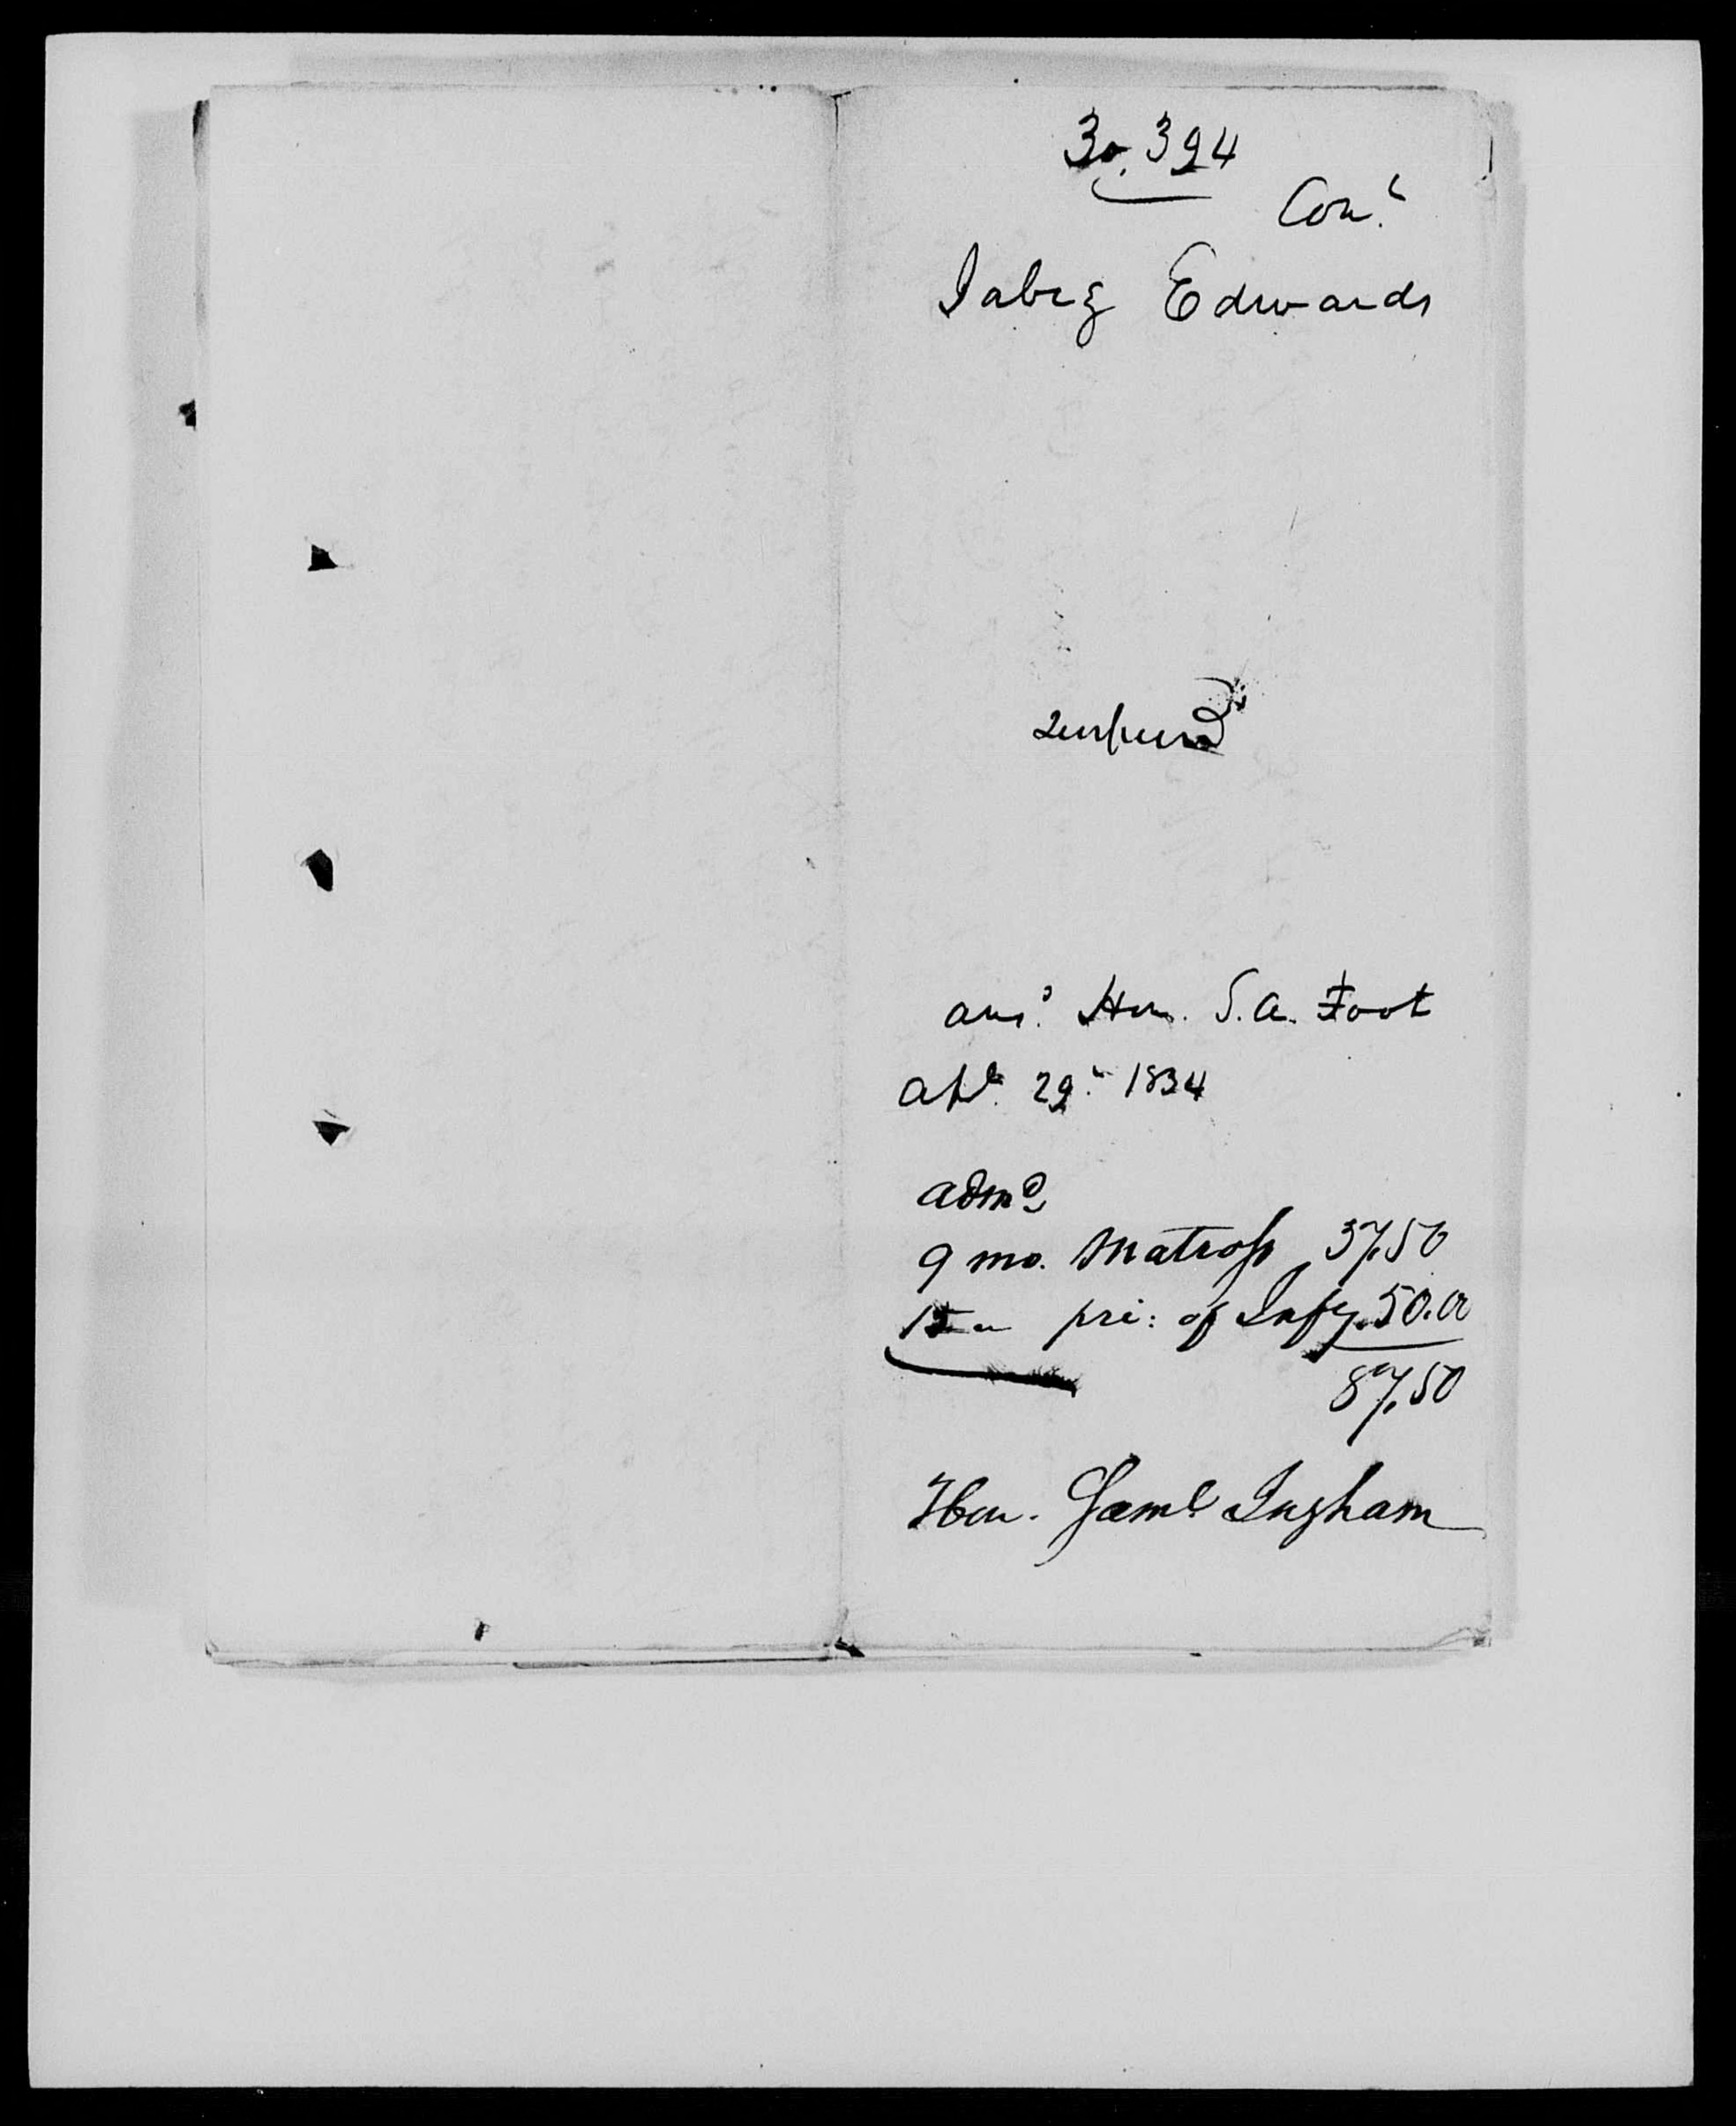30.394
Con.
Jabez Edwards 

aforesaid Hon. S.A. Foot
aforesaid 29 1834
[illegible]
9 mo. [illegible] 37.50
15 [illegible] 50.00
87.50
Hon. Samuel Ingham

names: S A Foot, Jabez Edwards, Saml Ingham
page: 3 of 50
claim: survivor's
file: S 10607, Jabez Edwards, Conn.